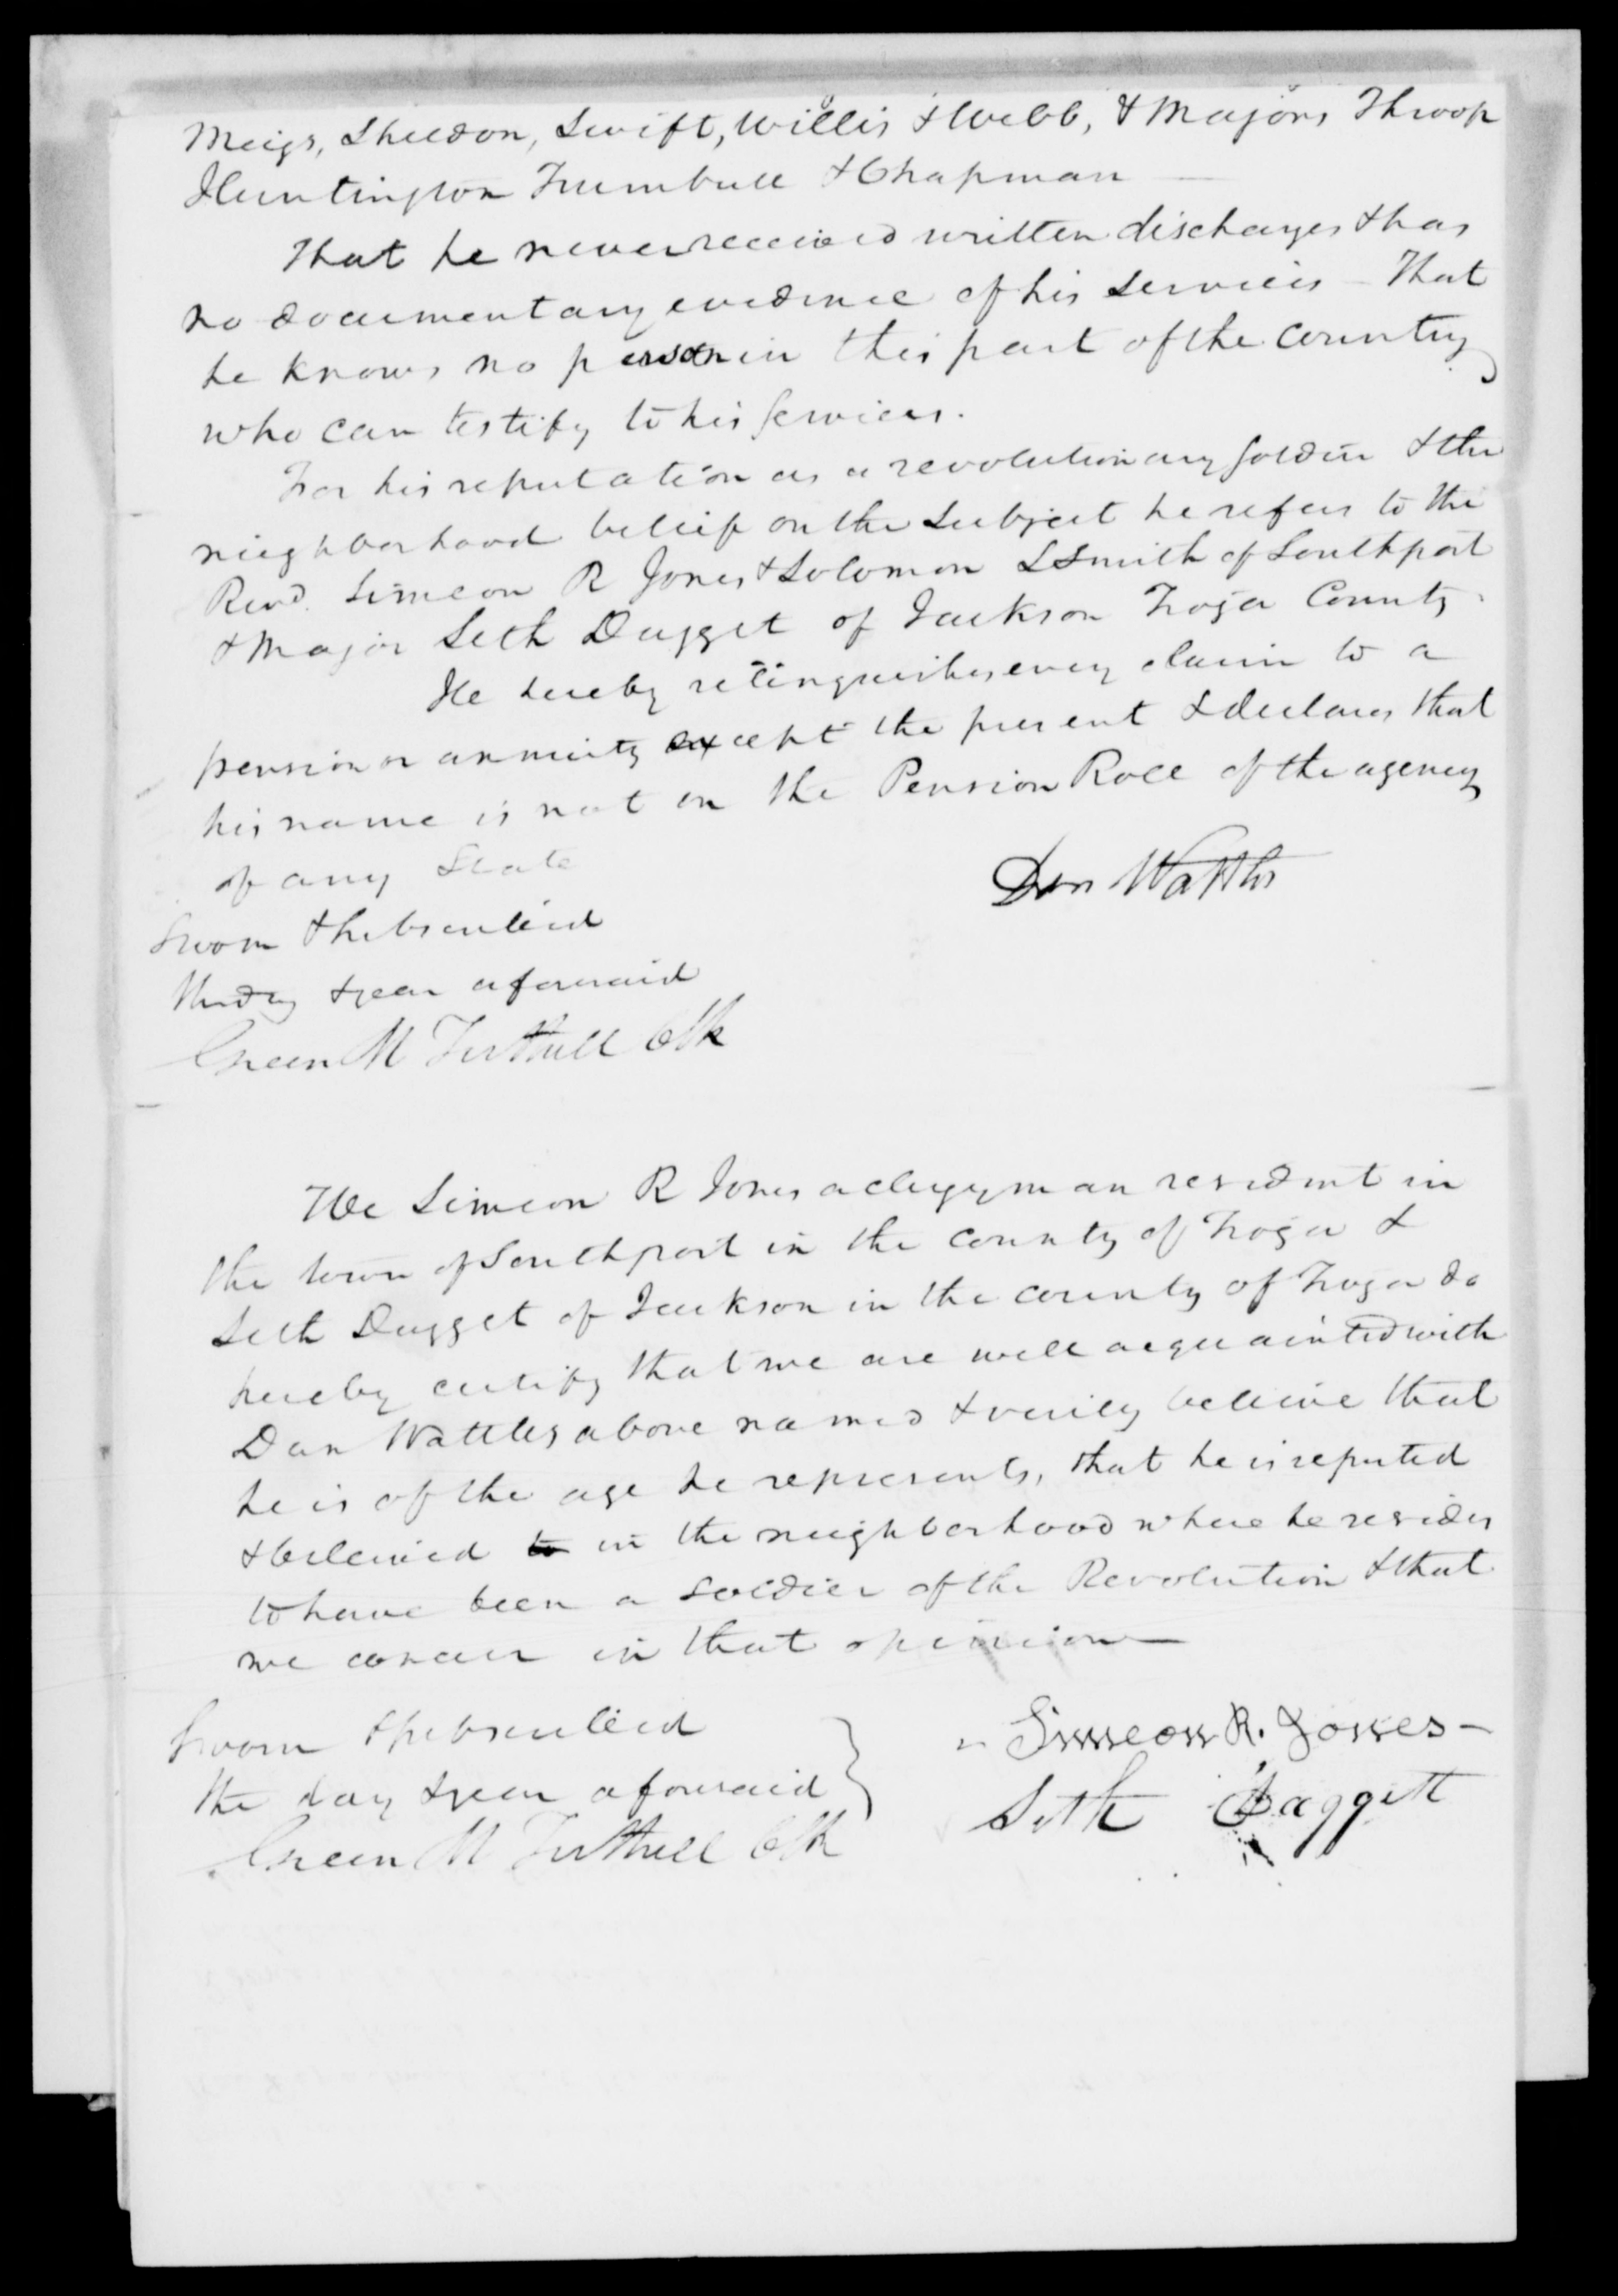Meigs, Sheldon, Swift, Willis & Webb, & Majors Throop Huntington Trumbull & Chapman

That he never received written discharges & has no documentary evidence of his services- that he knows no person in this part of the country who can testify to his services.

For his reputation as a revolutionary soldier & the neighborhood belief on the subject he refers to the Revd Simeon R. Jones & Solomon L Smith of Southport & Major Seth Dagget of Jackson Toga County

He hereby relinquishes every claim to a pension or annuity except the present & declares that his name is not on the Pension Roll of the agency of any State
Don Wattles

Sworn & Subscribed the day & year aforesaid
Green M Tuthill Clk

We Simeon R. Jones a clergyman resident in the town of Southport in the County of Tioga & Seth Dagget of Jackson in the County of Tioga do hereby certify that we are well acquainted with Dan Wattles above named & verily believe that he is of the age he represents, that he is reputed & believed in the neighborhood where he resides to have been a soldier of the Revolution & that we concur in that opinion
Simeon R. Jones -
Seth Daggett

Sworn & subscribed the day & year aforesaid
Green M Tuthill Clk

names: Chapman, Swift, Simeon R Jones, Webb, Willis, Green M Tuthill, Trumbull, Dan Wattles, Seth Dagget, Throop, Sheldon, Huntington, Solomon L Smith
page: 23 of 70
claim: widow's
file: W. 3743, Dan Wattles, Conn.